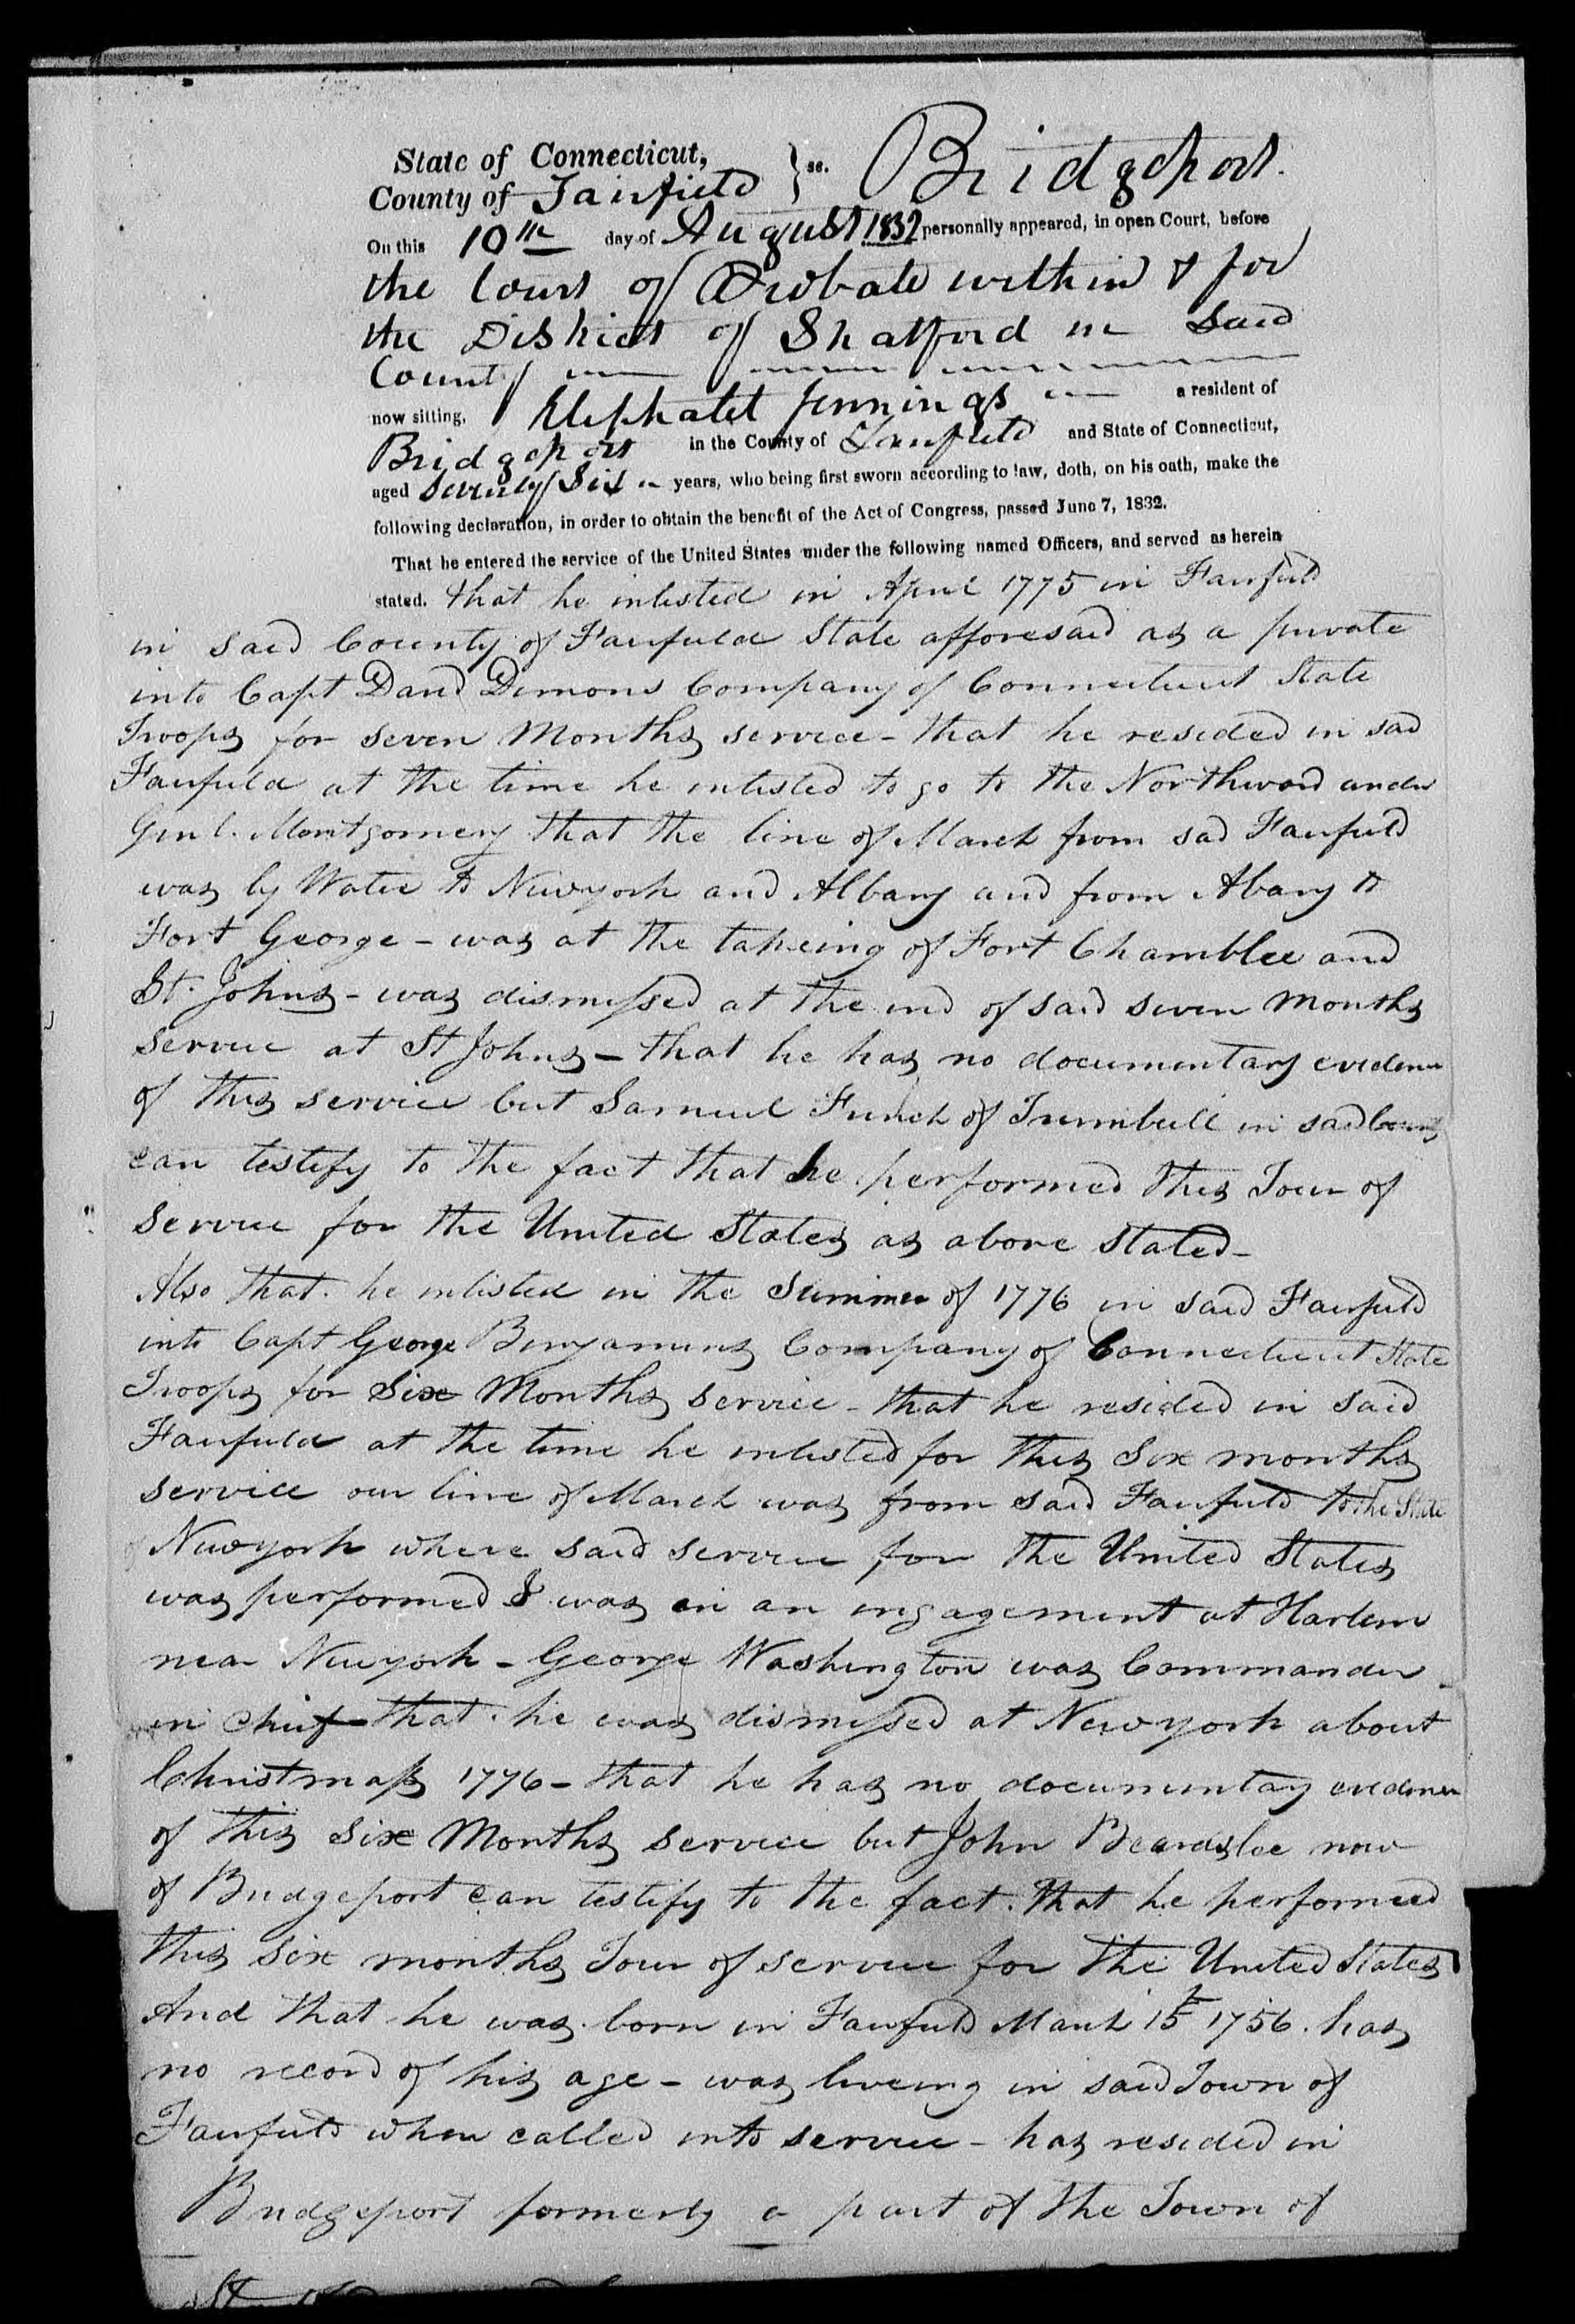State of Connecticut    )
County of Fairfield       ) ss.  Bridgeport.

On this 10th day of August 1837 personally appeared, in open Court, before the Court of Probate within & for the District of Shatford in Said County now sitting, Eliphalet Jennings a resident of Bridgeport in the County of Fairfield and State of Connecticut, aged Seventy Six years, who being first sworn according to law, doth, on his oath, make the following declaration, in order to obtain the benefit of the Act of Congress, passed June 7, 1832.

That he entered the service of the United States under the following named Officers, and served as herein stated, that he inlisted in April 1775 in Fairfield in said County of Fairfield State afforesaid as a private into Capt Danl. Demons Company of Connecticut State Troops for Seven Months service--that he resided in said Fairfield at the time he enlisted to go to the Northward under Genl. Montgomery that the line of March from said Fairfield was by Water to Newyork and Albany and from Albany to Fort George--was at the takeing of Fort Chamblee and St. Johns--was dismifsed at the end of said seven months service at St Johns--that he has no documentary evidence of this service but Samuel French of Trumbull in said County can testify to the fact that he performed this Tour of Service for the United States as above stated.

Also that he enlisted in the Summer of 1776 in said Fairfield into Capt George Benjamins Company of Connecticut State Troops for Six Months service--that he resided in Said Fairfield at the time he enlisted for this Six months service our line of March was from Said Fairfield to the State of newyork where said service for the United States was performed  I was in an engagement at Harlem near Newyork--George Washington was Commander in Chief--that he was dismifsed at Newyork about Christmafs 1776--that he has no documentary evidence of this Six Months service but John Beardslee now of Bridgeport can testify to the fact.  that he performed this Six months Tour of service for the United States And that he was born in Fairfield March 15th 1756 has no record of his age--was liveing in said Town of Fairfield when called into service--has resided in Bridgeport formerly a part of the Town of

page: 5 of 10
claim: survivor's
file: S. 18468, for Eliphalet Jennings, Connecticut